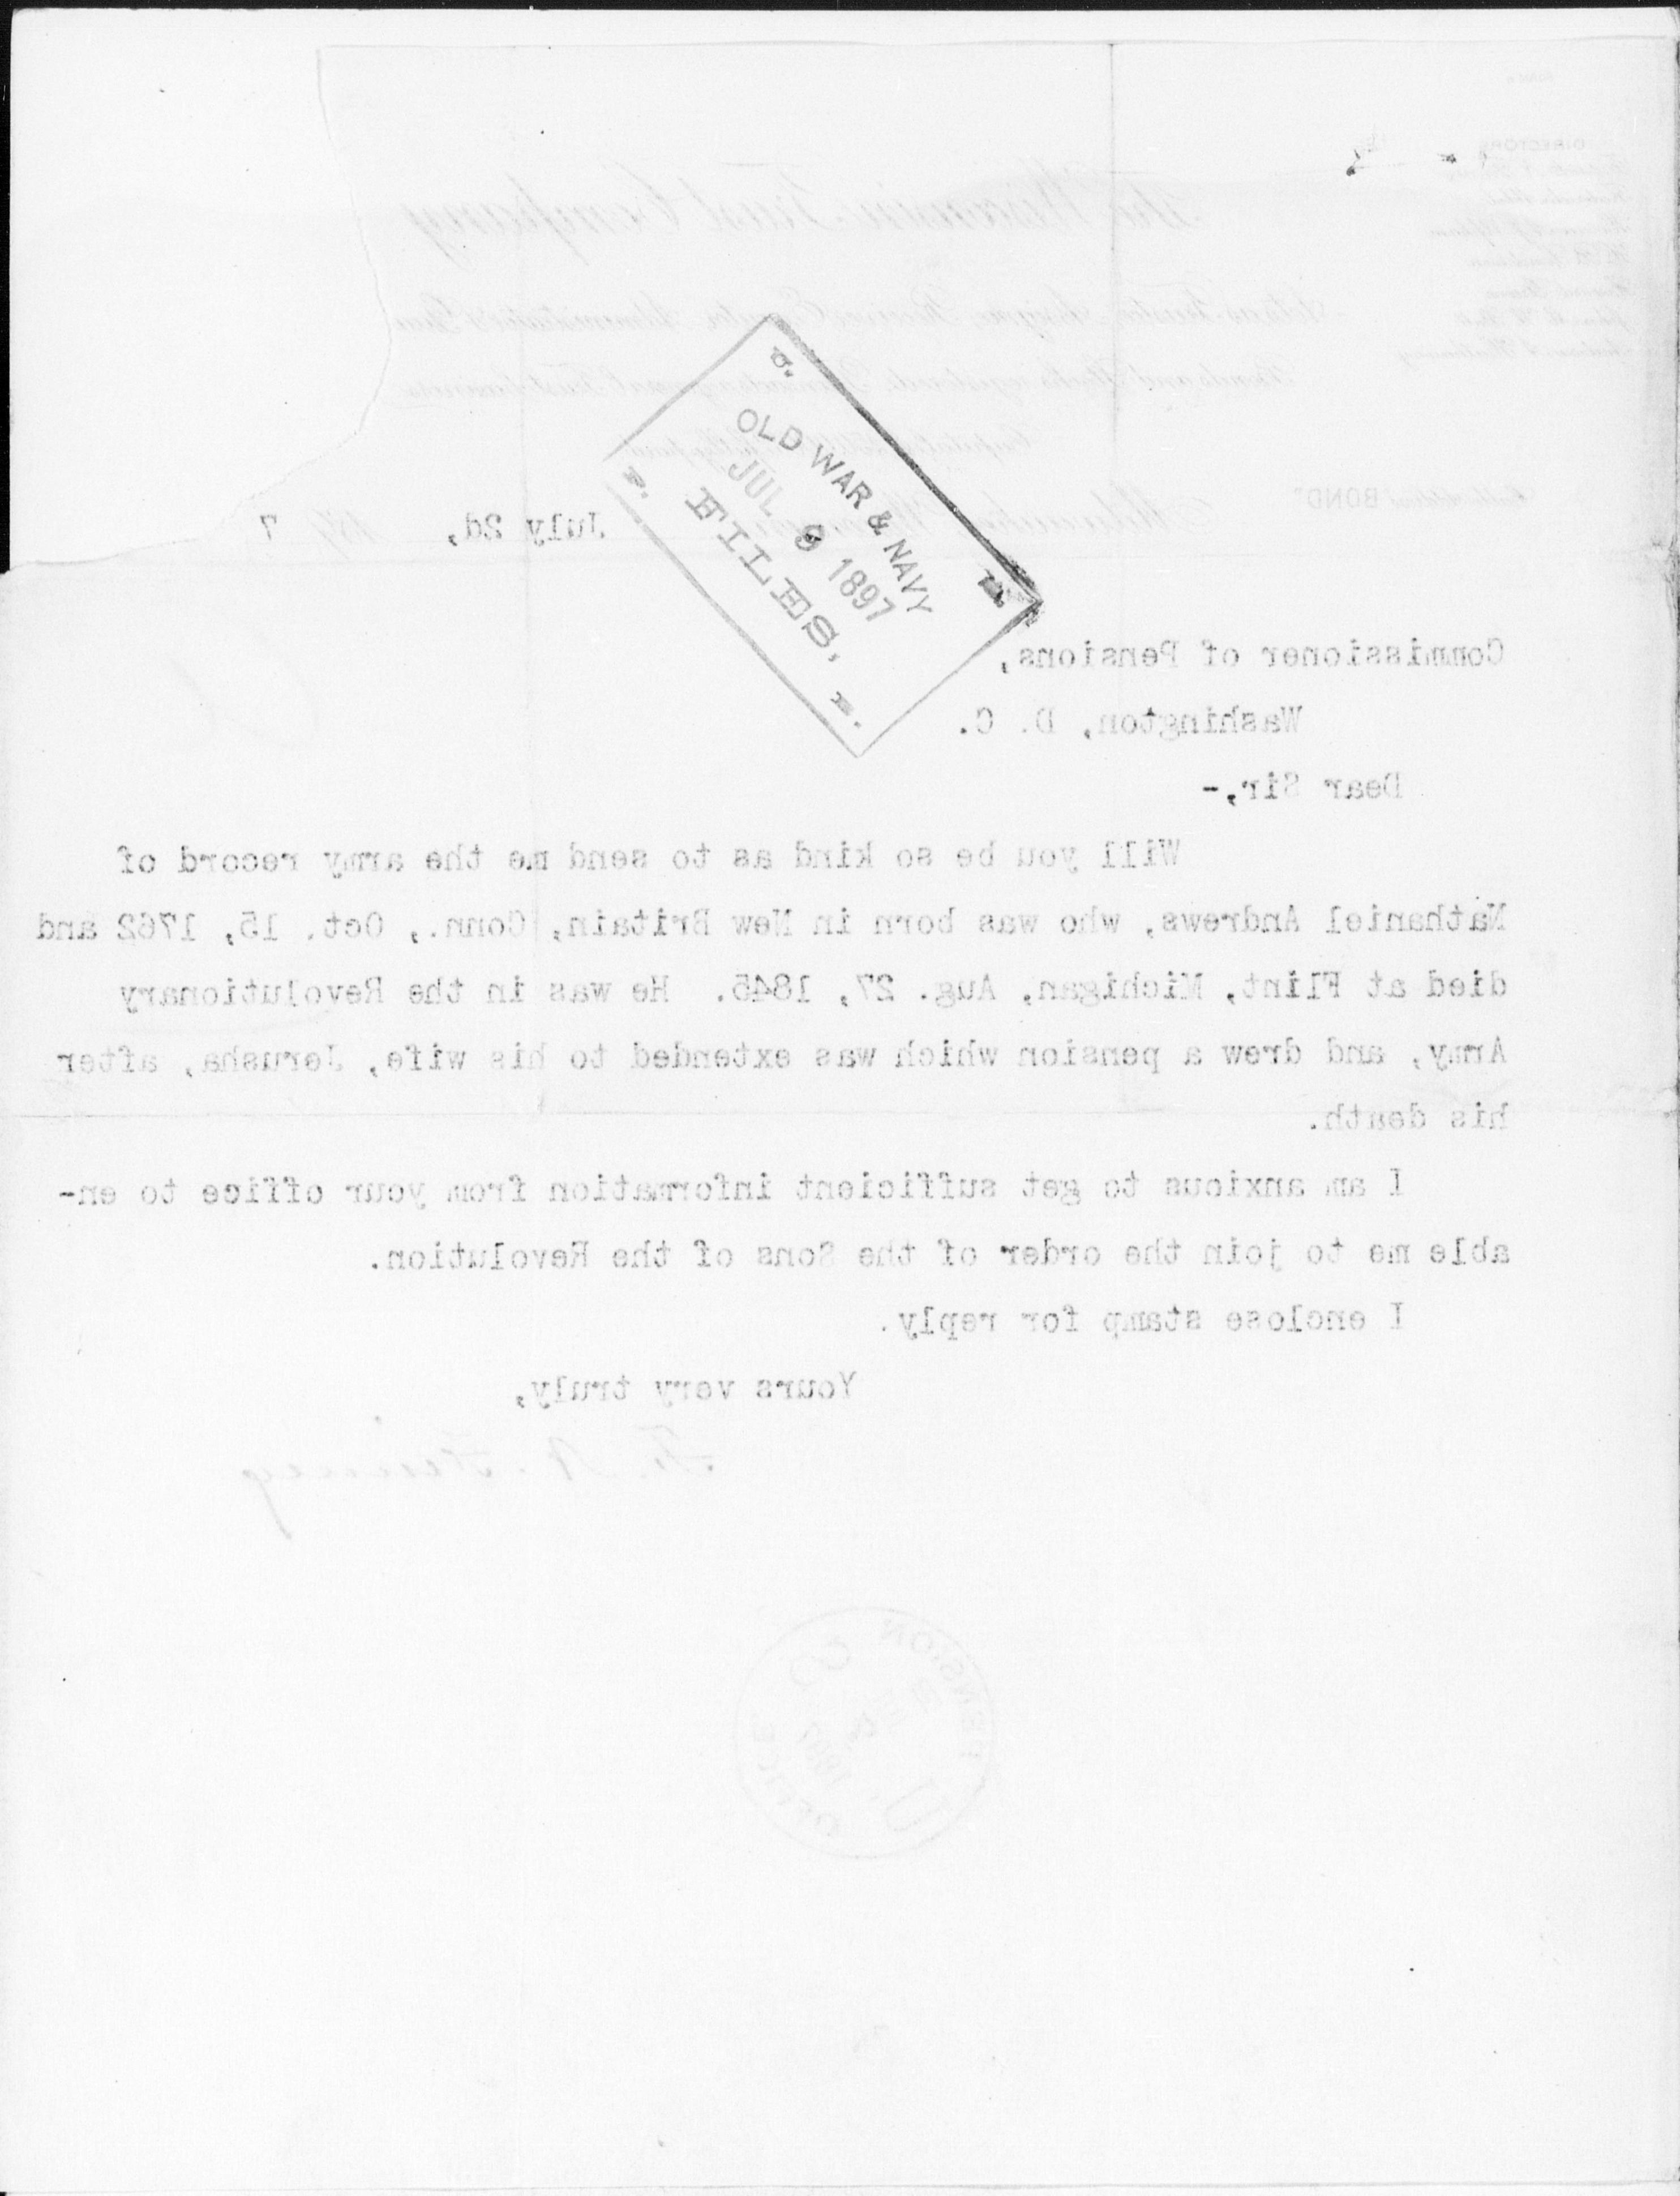OLD WAR & NAVY
JUL 8 1897
FILES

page: 64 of 78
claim: widow's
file: W. 4117, Nathaniel Bradley, Conn.